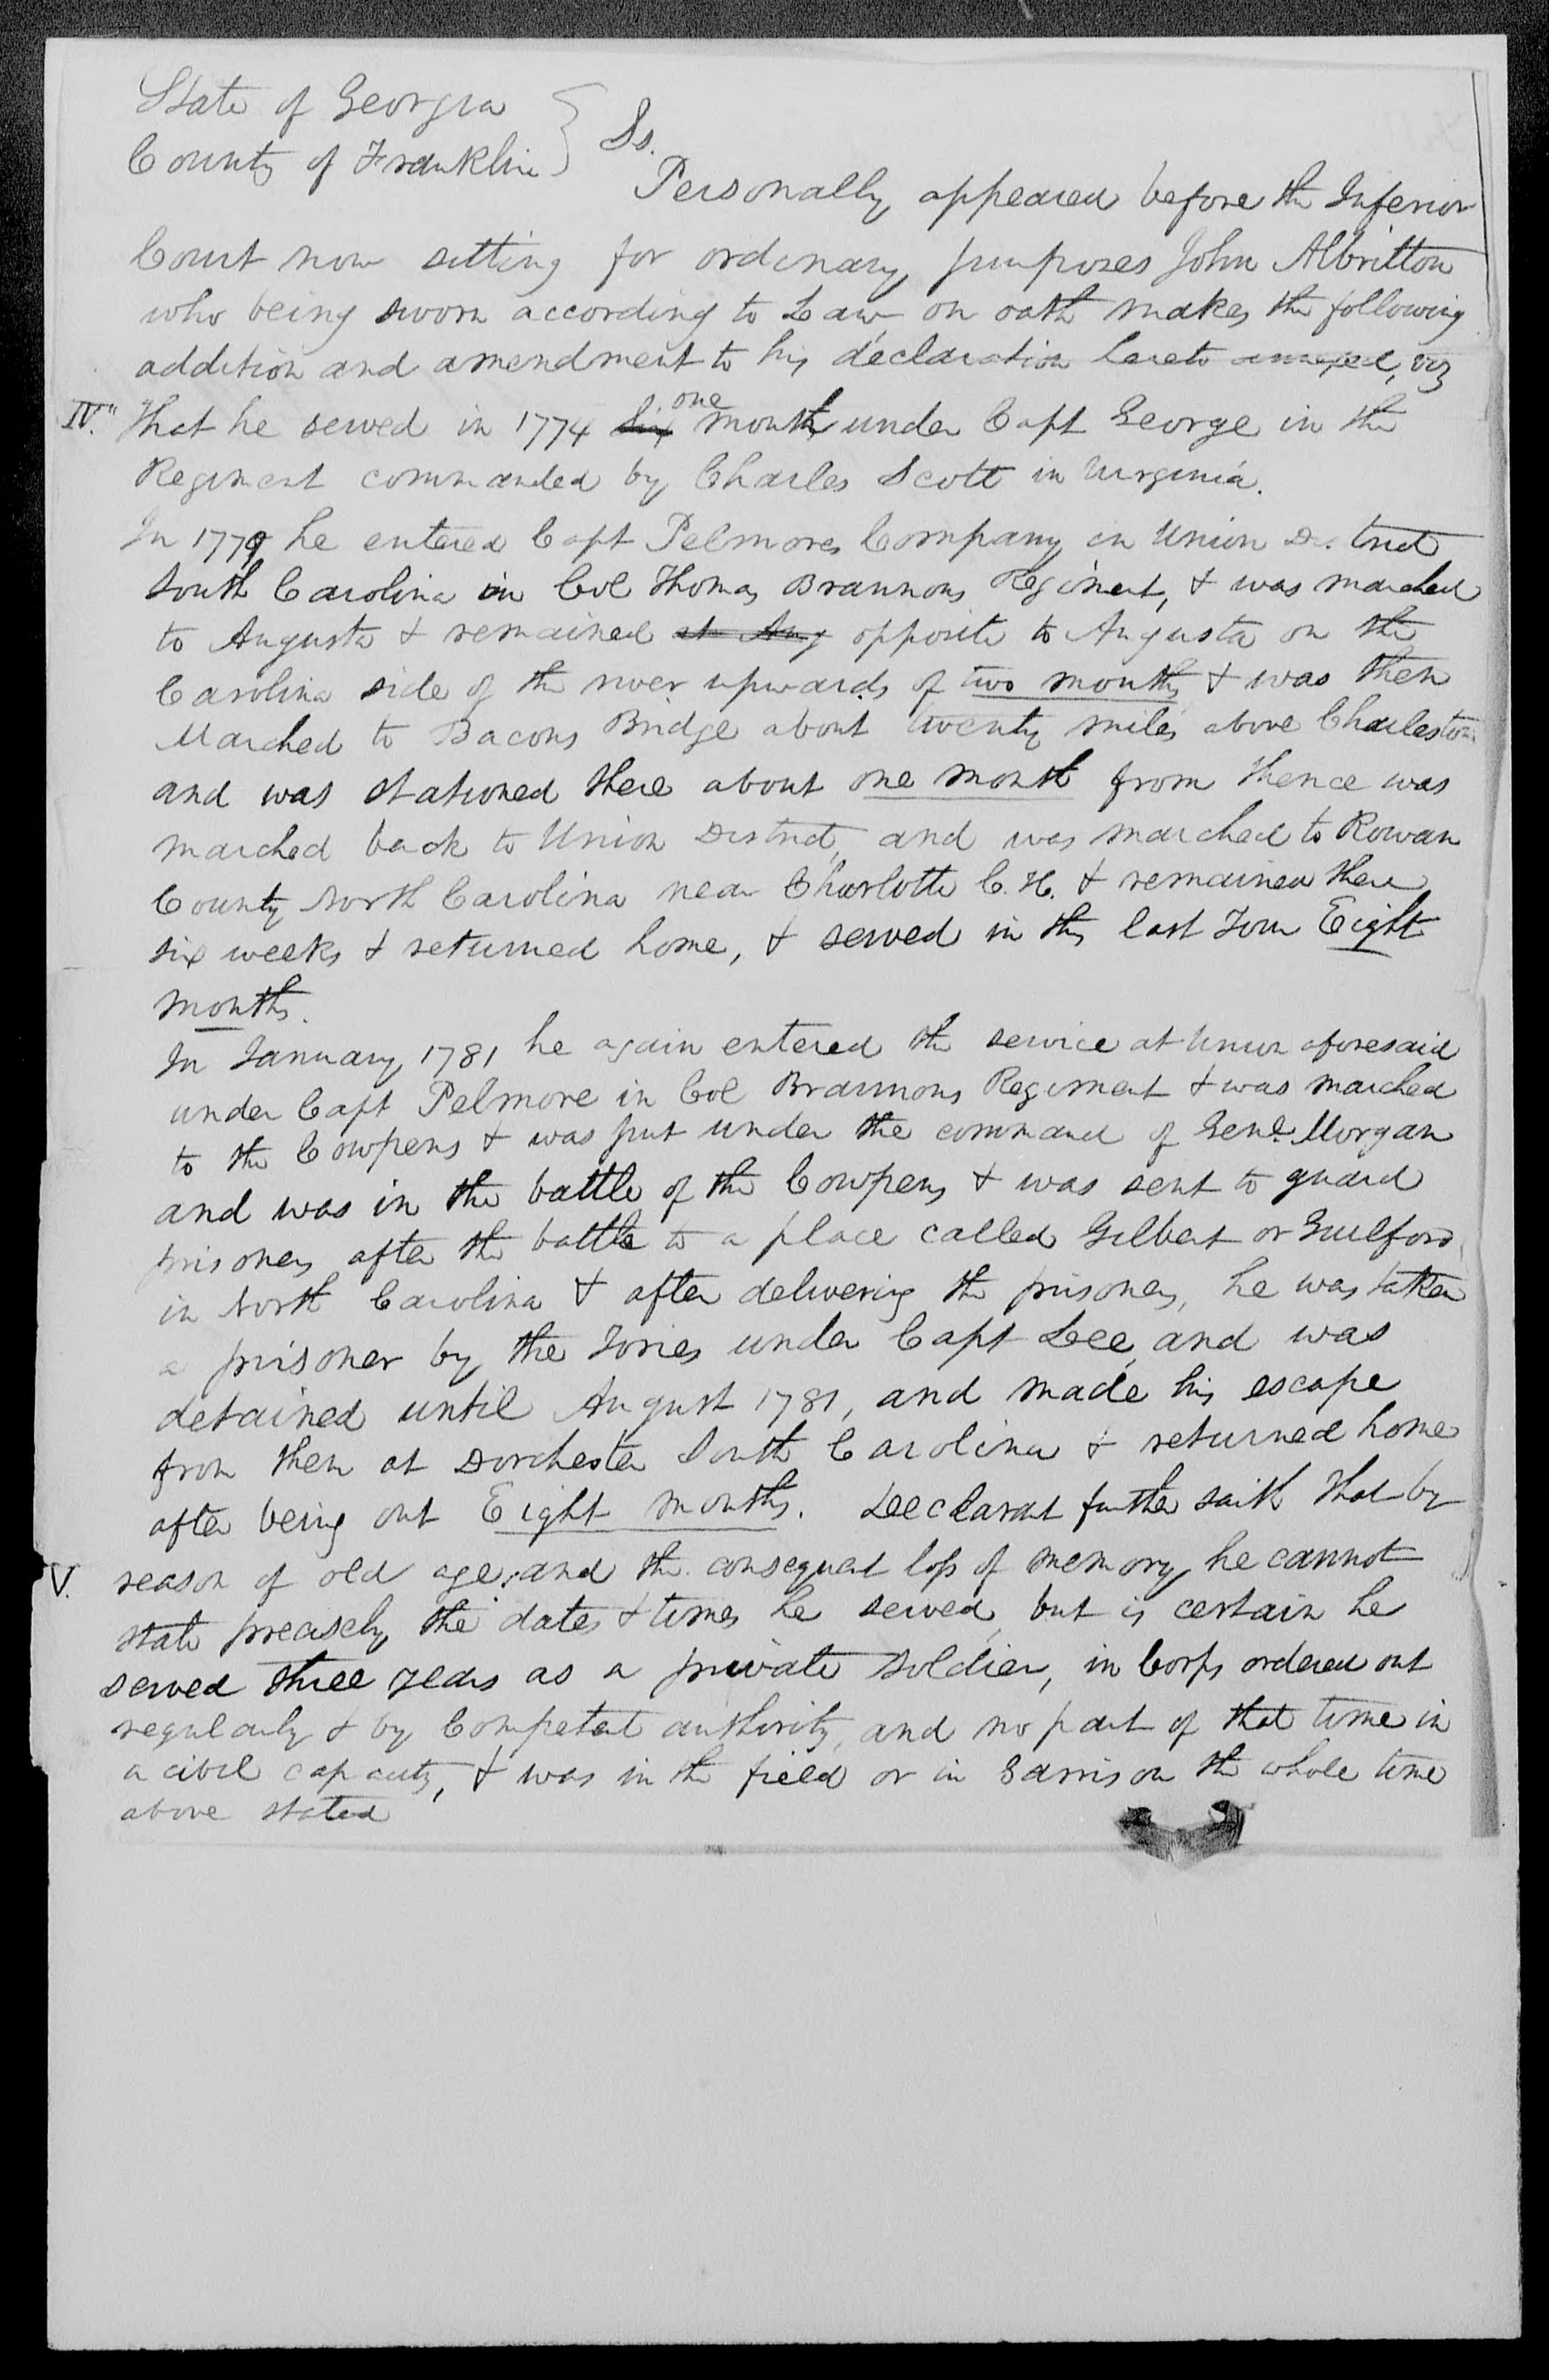State of Georgia, County of Franklin
Personally appeared before the Inferior Court now sitting for ordinary purposes John Albritton who being sworn according to Law on oath make the following additions and amendments to his declaration hereto annexed, viz., 
IV. That he served in 1774 one month under Capt George in the Regiment commanded by Charles Scott in Virginia. In 1779 he entered Capt Pelmores Company in Union District South Carolina in Col Thomas Brannons Regiment, & was marched to Augusta & remained opposite to Augusta on the Carolina side of the river upwards of two months & was then marched to Bacons Bridge about twenty miles above Charleston and was stationed there about one month from thence was marched back to Union District and was marched to Rowan County, North Carolina near Charlotte C. H. & remained there six weeks & returned home & served in the last Town Eight months.
In January 1781 he again entered the service at [illegible] aforesaid under Capt Pelmore in Col Brannons Regiment & was marched to Cowpens & was put under the command of Genl. Morgan and was in the battle of the Cowpens & was sent to guard prisoners after the battle to a place called Gilbert or Guilford in North Carolina & after delivering the prisoners he was taken prisoner by the Tories under Capt Lee and was detained until August 1781, and made his escape from them at Dorchester South Carolina & returned home after being out Eight months. Reclaimant further said that by reason of old age and the consequent loss of memory he cannot state precisely the dates & times he served but is certain he served three years as a private soldier in Corps ordered out regularly & by Competent authority and no part of that time in a civil capacity & was in the field or in Garrison the whole time above stated.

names: John Albritton, Charles Scott, Pelmore, George, Morgan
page: 10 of 22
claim: survivor's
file: S. 31,517, John Allbritton, S.C.